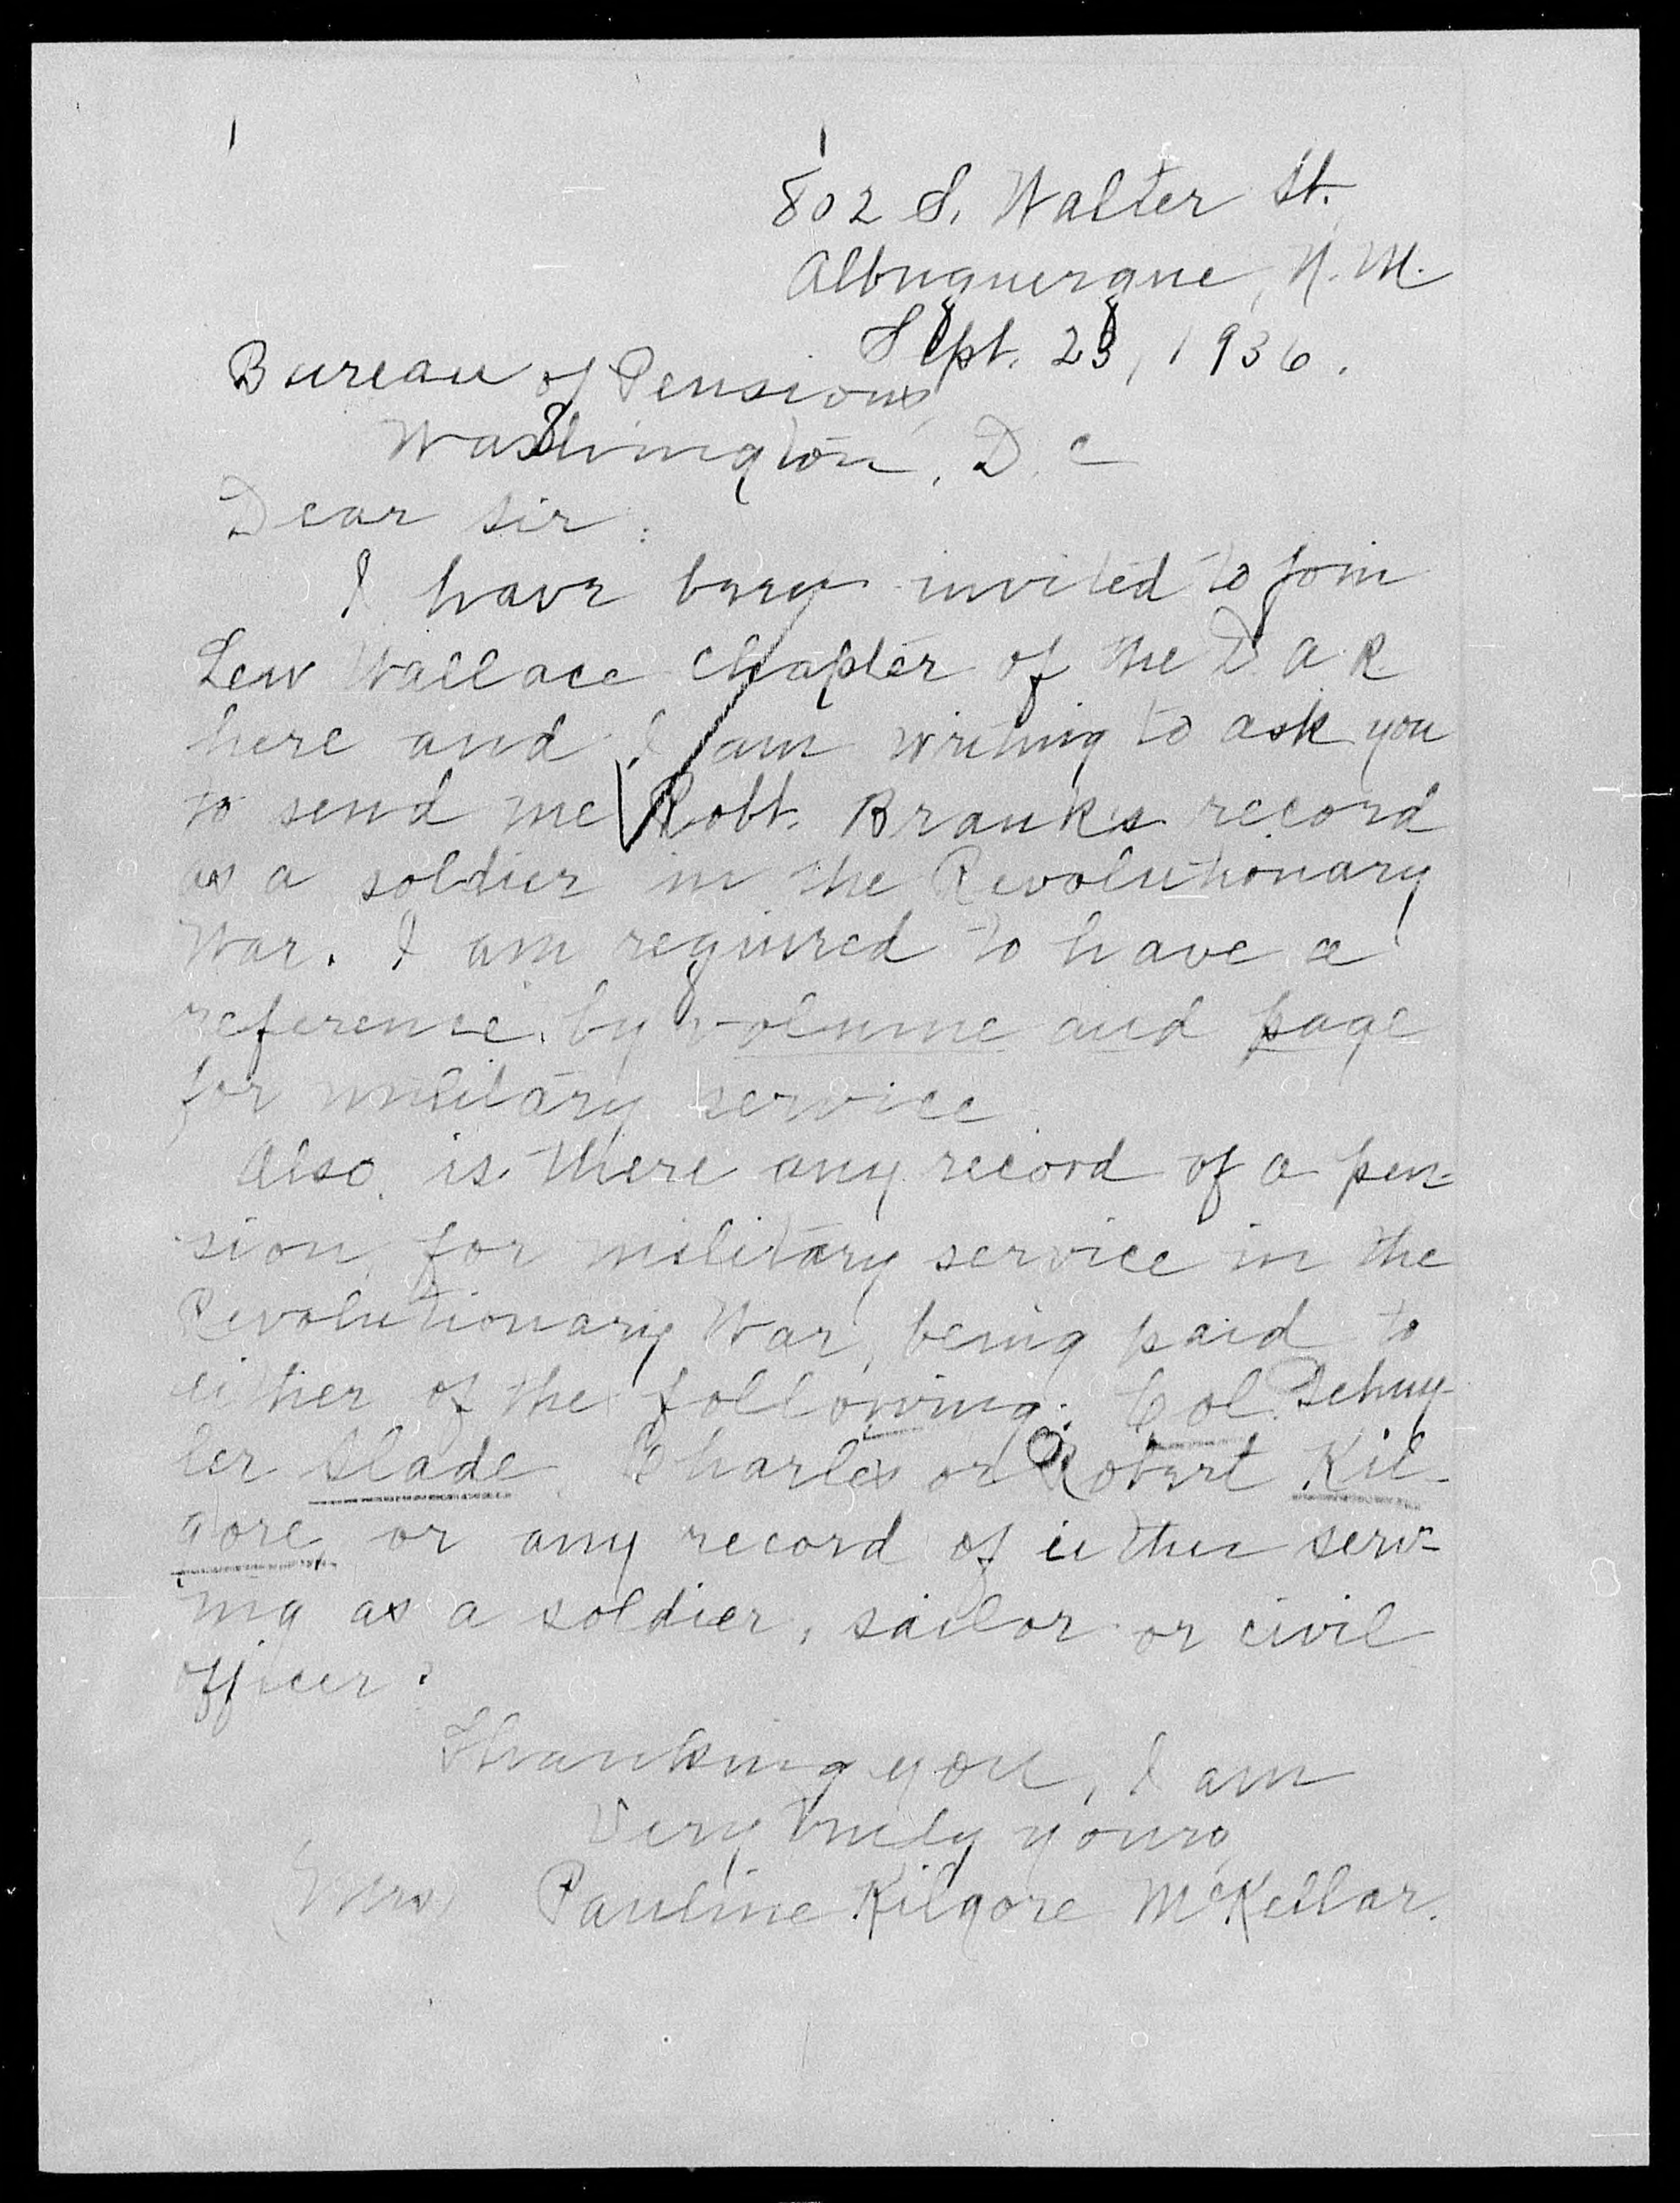802 S. Walter St.
Albuquerque, N. M.
Sept. 23, 1936.

Bureau of Pensions,
Washington, D. C.

Dear Sir
I have been invited to form Lew Wallace chapter of the D.A.R. here and I am writing to ask you to send me Robt. Branks record as a soldier in the Revolutionary War. I am required to have a reference, by volume and page for military service.
Also is there any record of a pension for military service in the Revolutionary War, being paid to either of the following Col Schuyler Slade, Charles or Robert Kilgore, or any record of either serving as a soldier, sailor or civil officer?
Thanking you, I am
Very truly yours
(Mrs) Pauline Kilgore McKellar.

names: Charles Kilgore; Robert Kilgore; Schuyler Slade; Pauline Kilgore Mc Kellar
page: 83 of 115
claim: survivor's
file: S. 699, for Charles Kilgore, Virginia